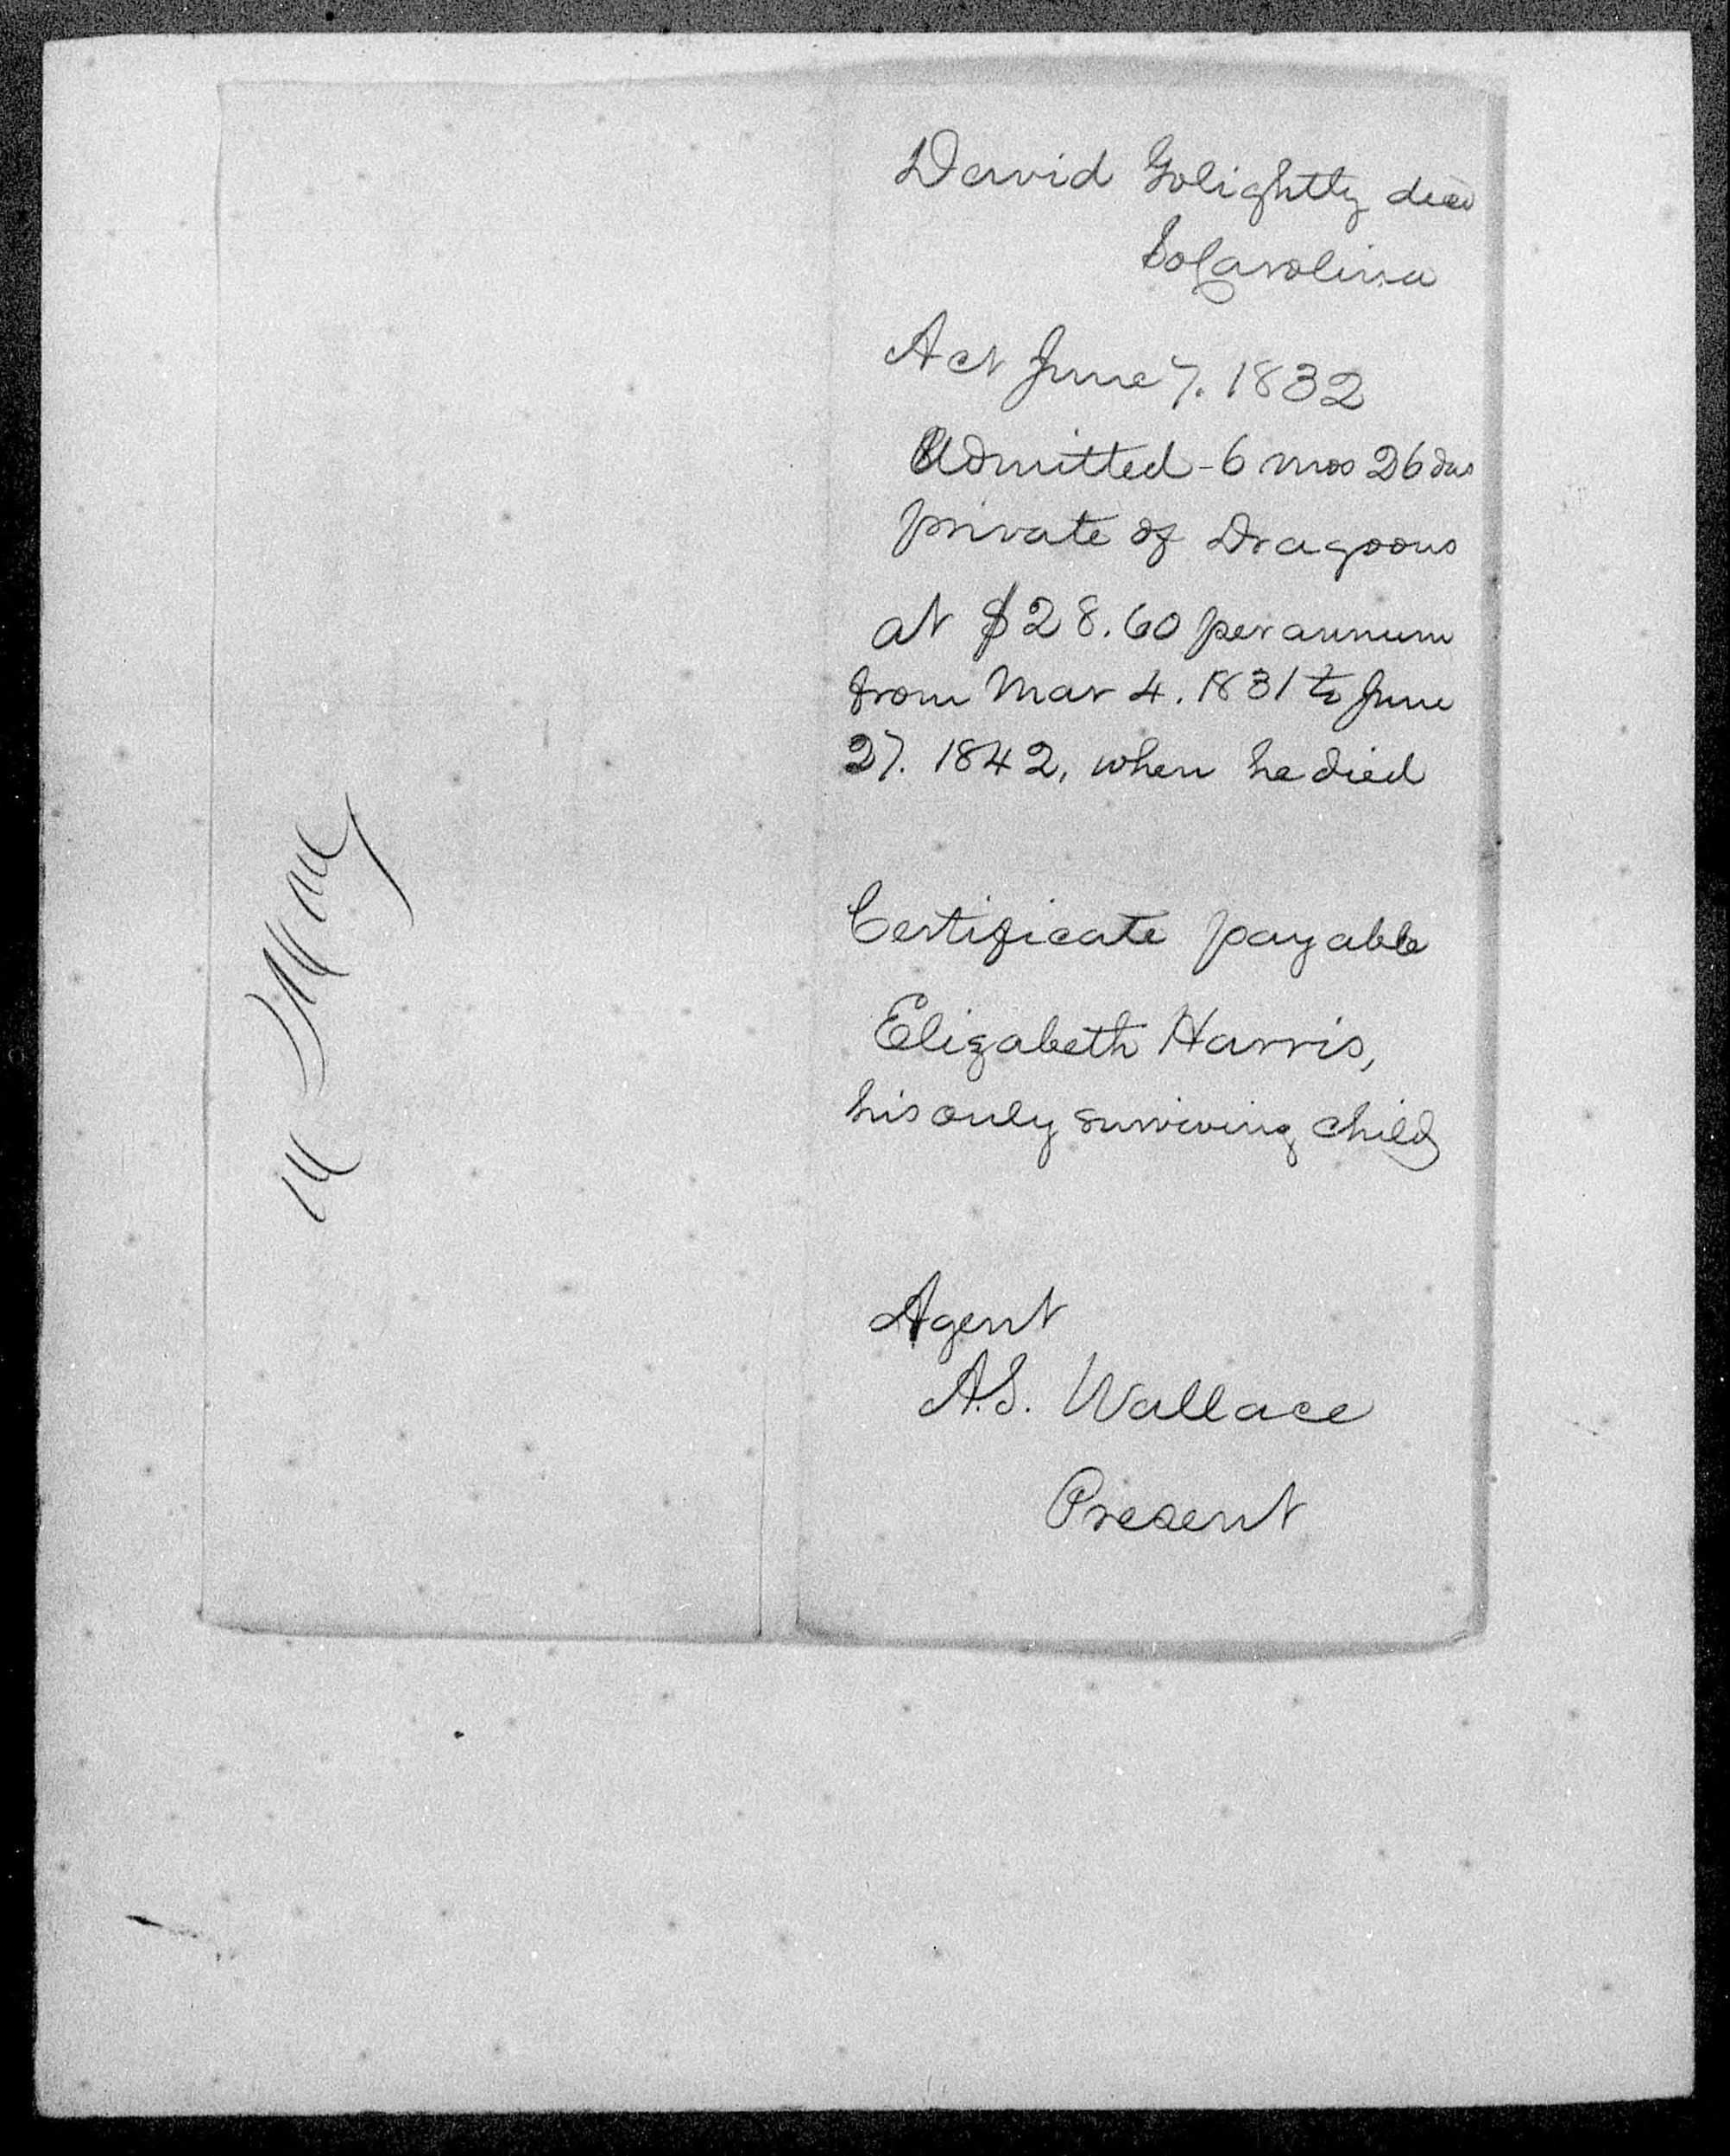David Golightly dec'd
So Carolina

Act June 7, 1832
Admitted - 6 mos 26 days

Private of Dragoons
at $28.60 per annum
from Mar 4, 1831 to June
27, 1842, when he died

Certificate payable 
Elizabeth Harris,
his only surviving child

Agent
A.S. Wallace
Present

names: A S Wallace, Elizabeth Harris, David Golightly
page: 42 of 57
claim: survivor's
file: S. 18888, David Golightly, S.C.